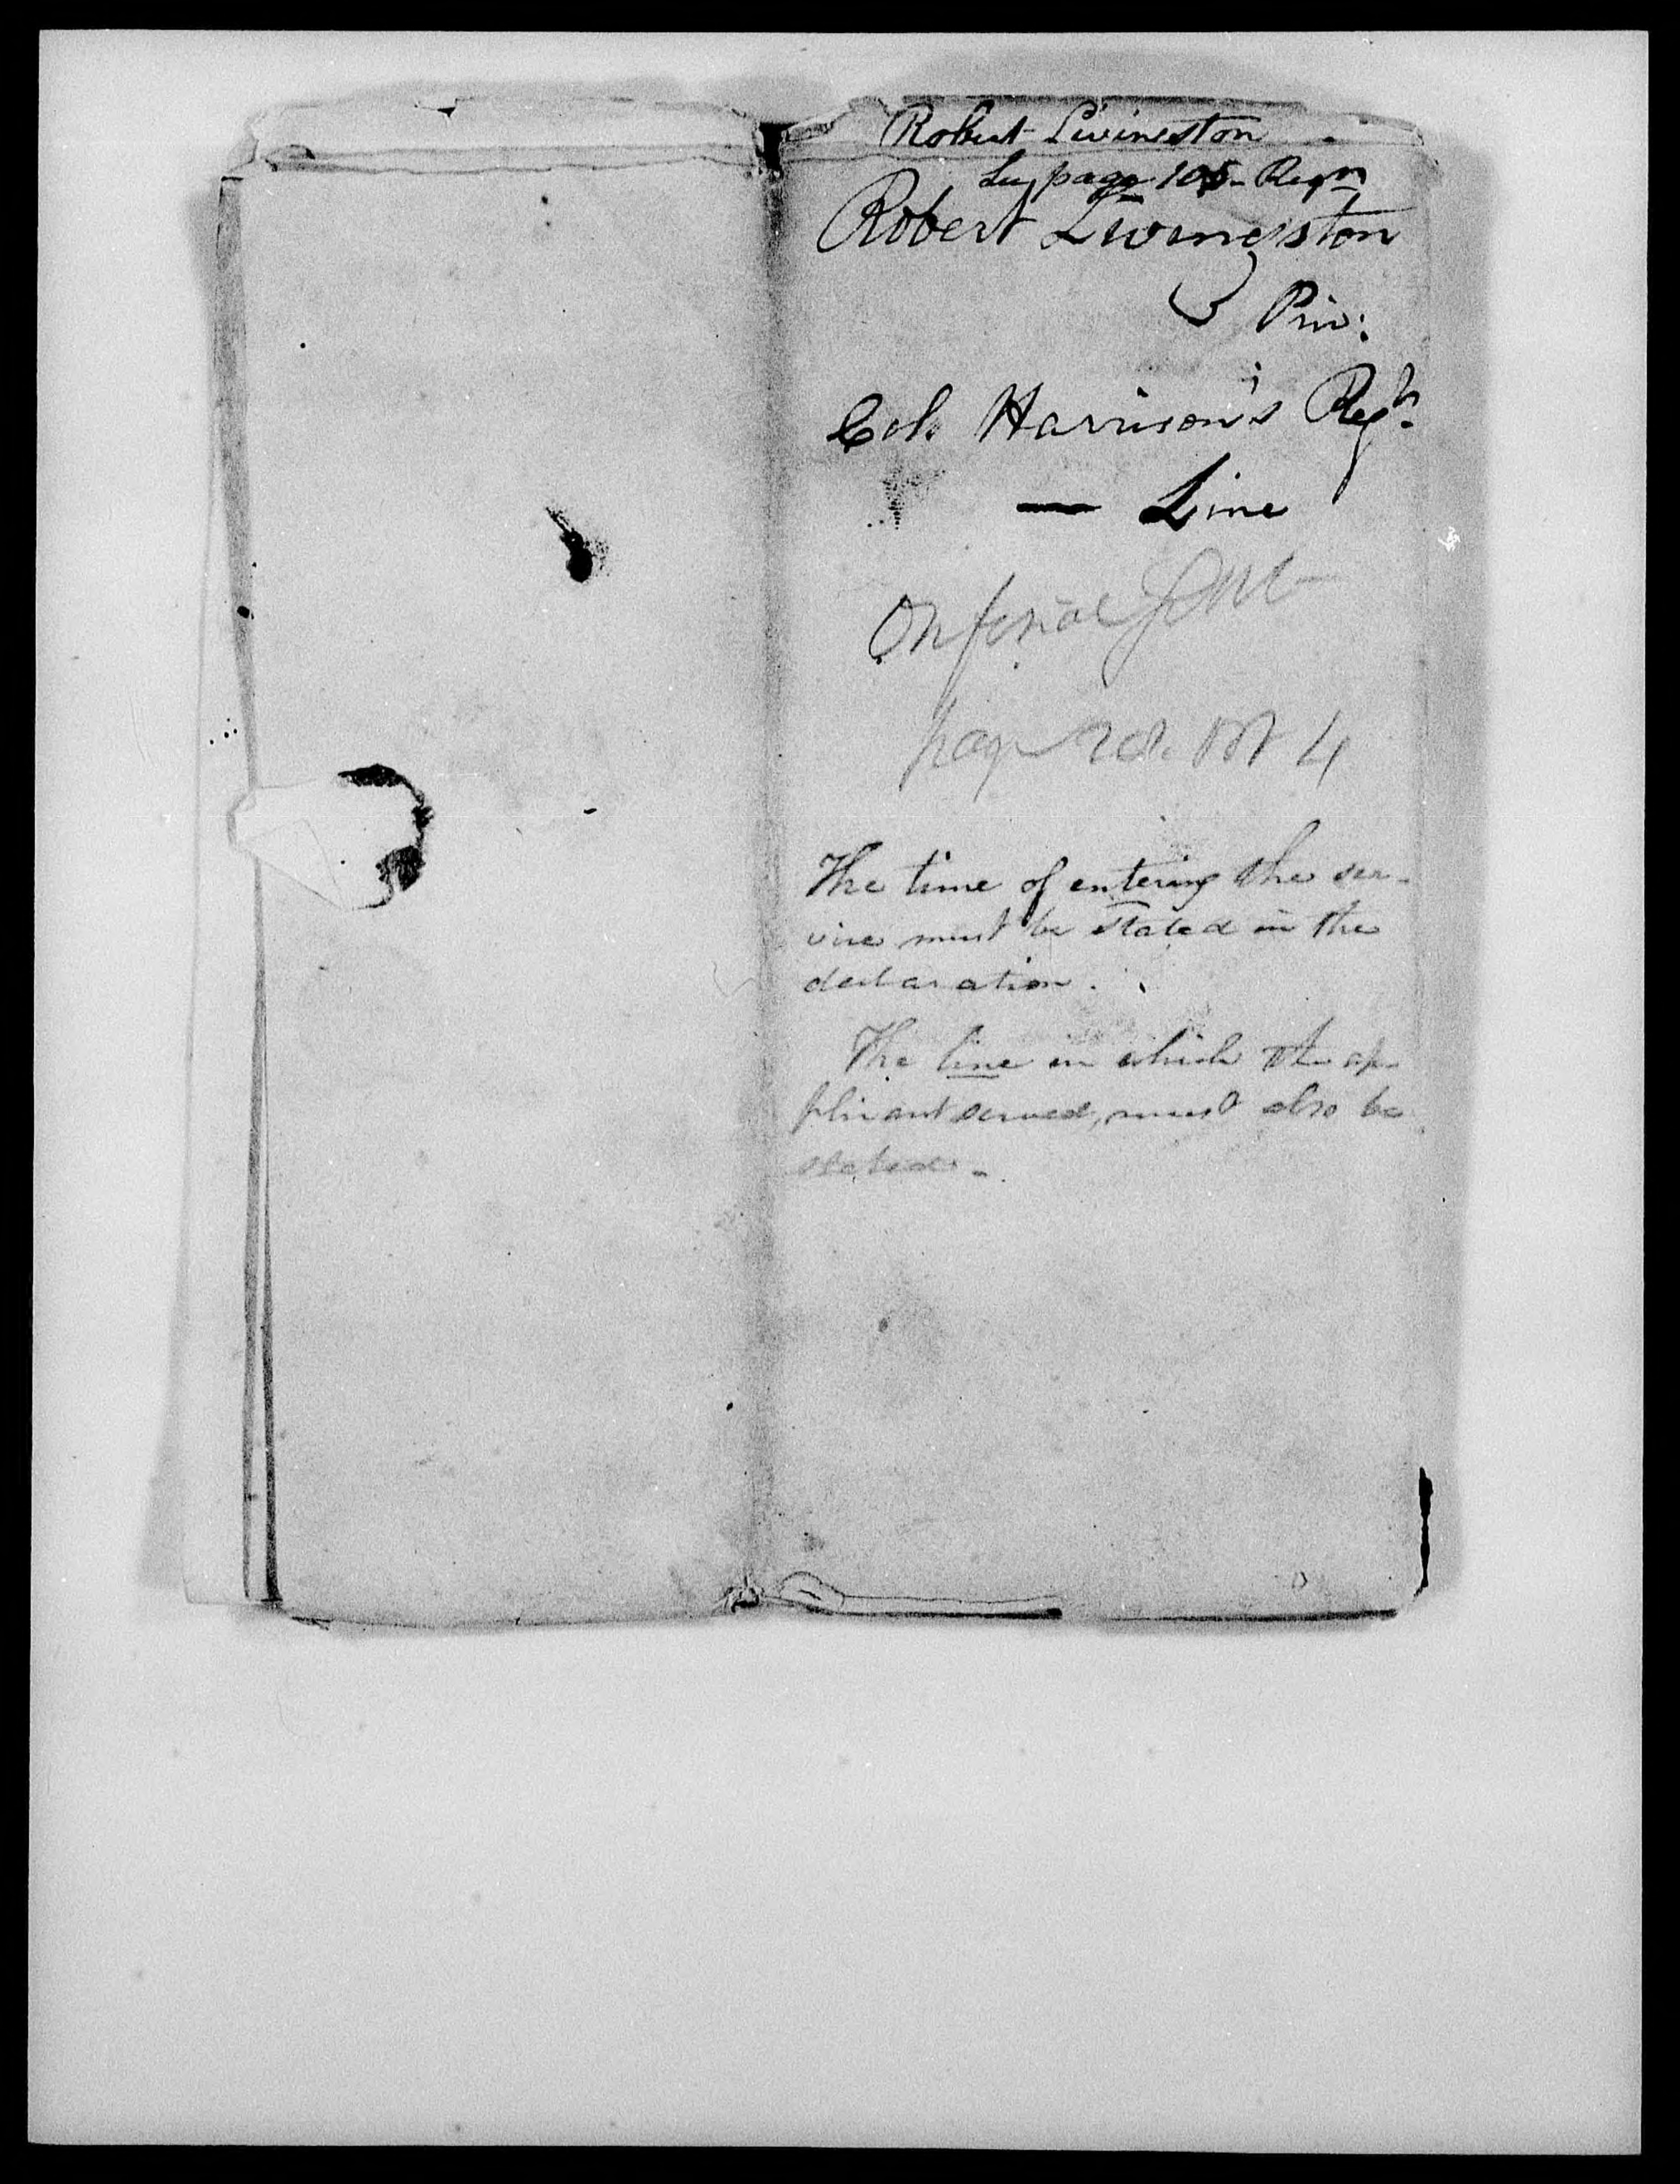Robert Livingston
See pages 105 Reg'r

Robert Livingston
Priv
Col Harrison's Regiment

- Line

On final one
[illegible]

The time of entering the service must be stated in the declaration.

The line in which the applicant served must also be stated.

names: Robert Livingston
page: 16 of 23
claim: survivor's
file: S 42874, for Robert Livingston, Maryland